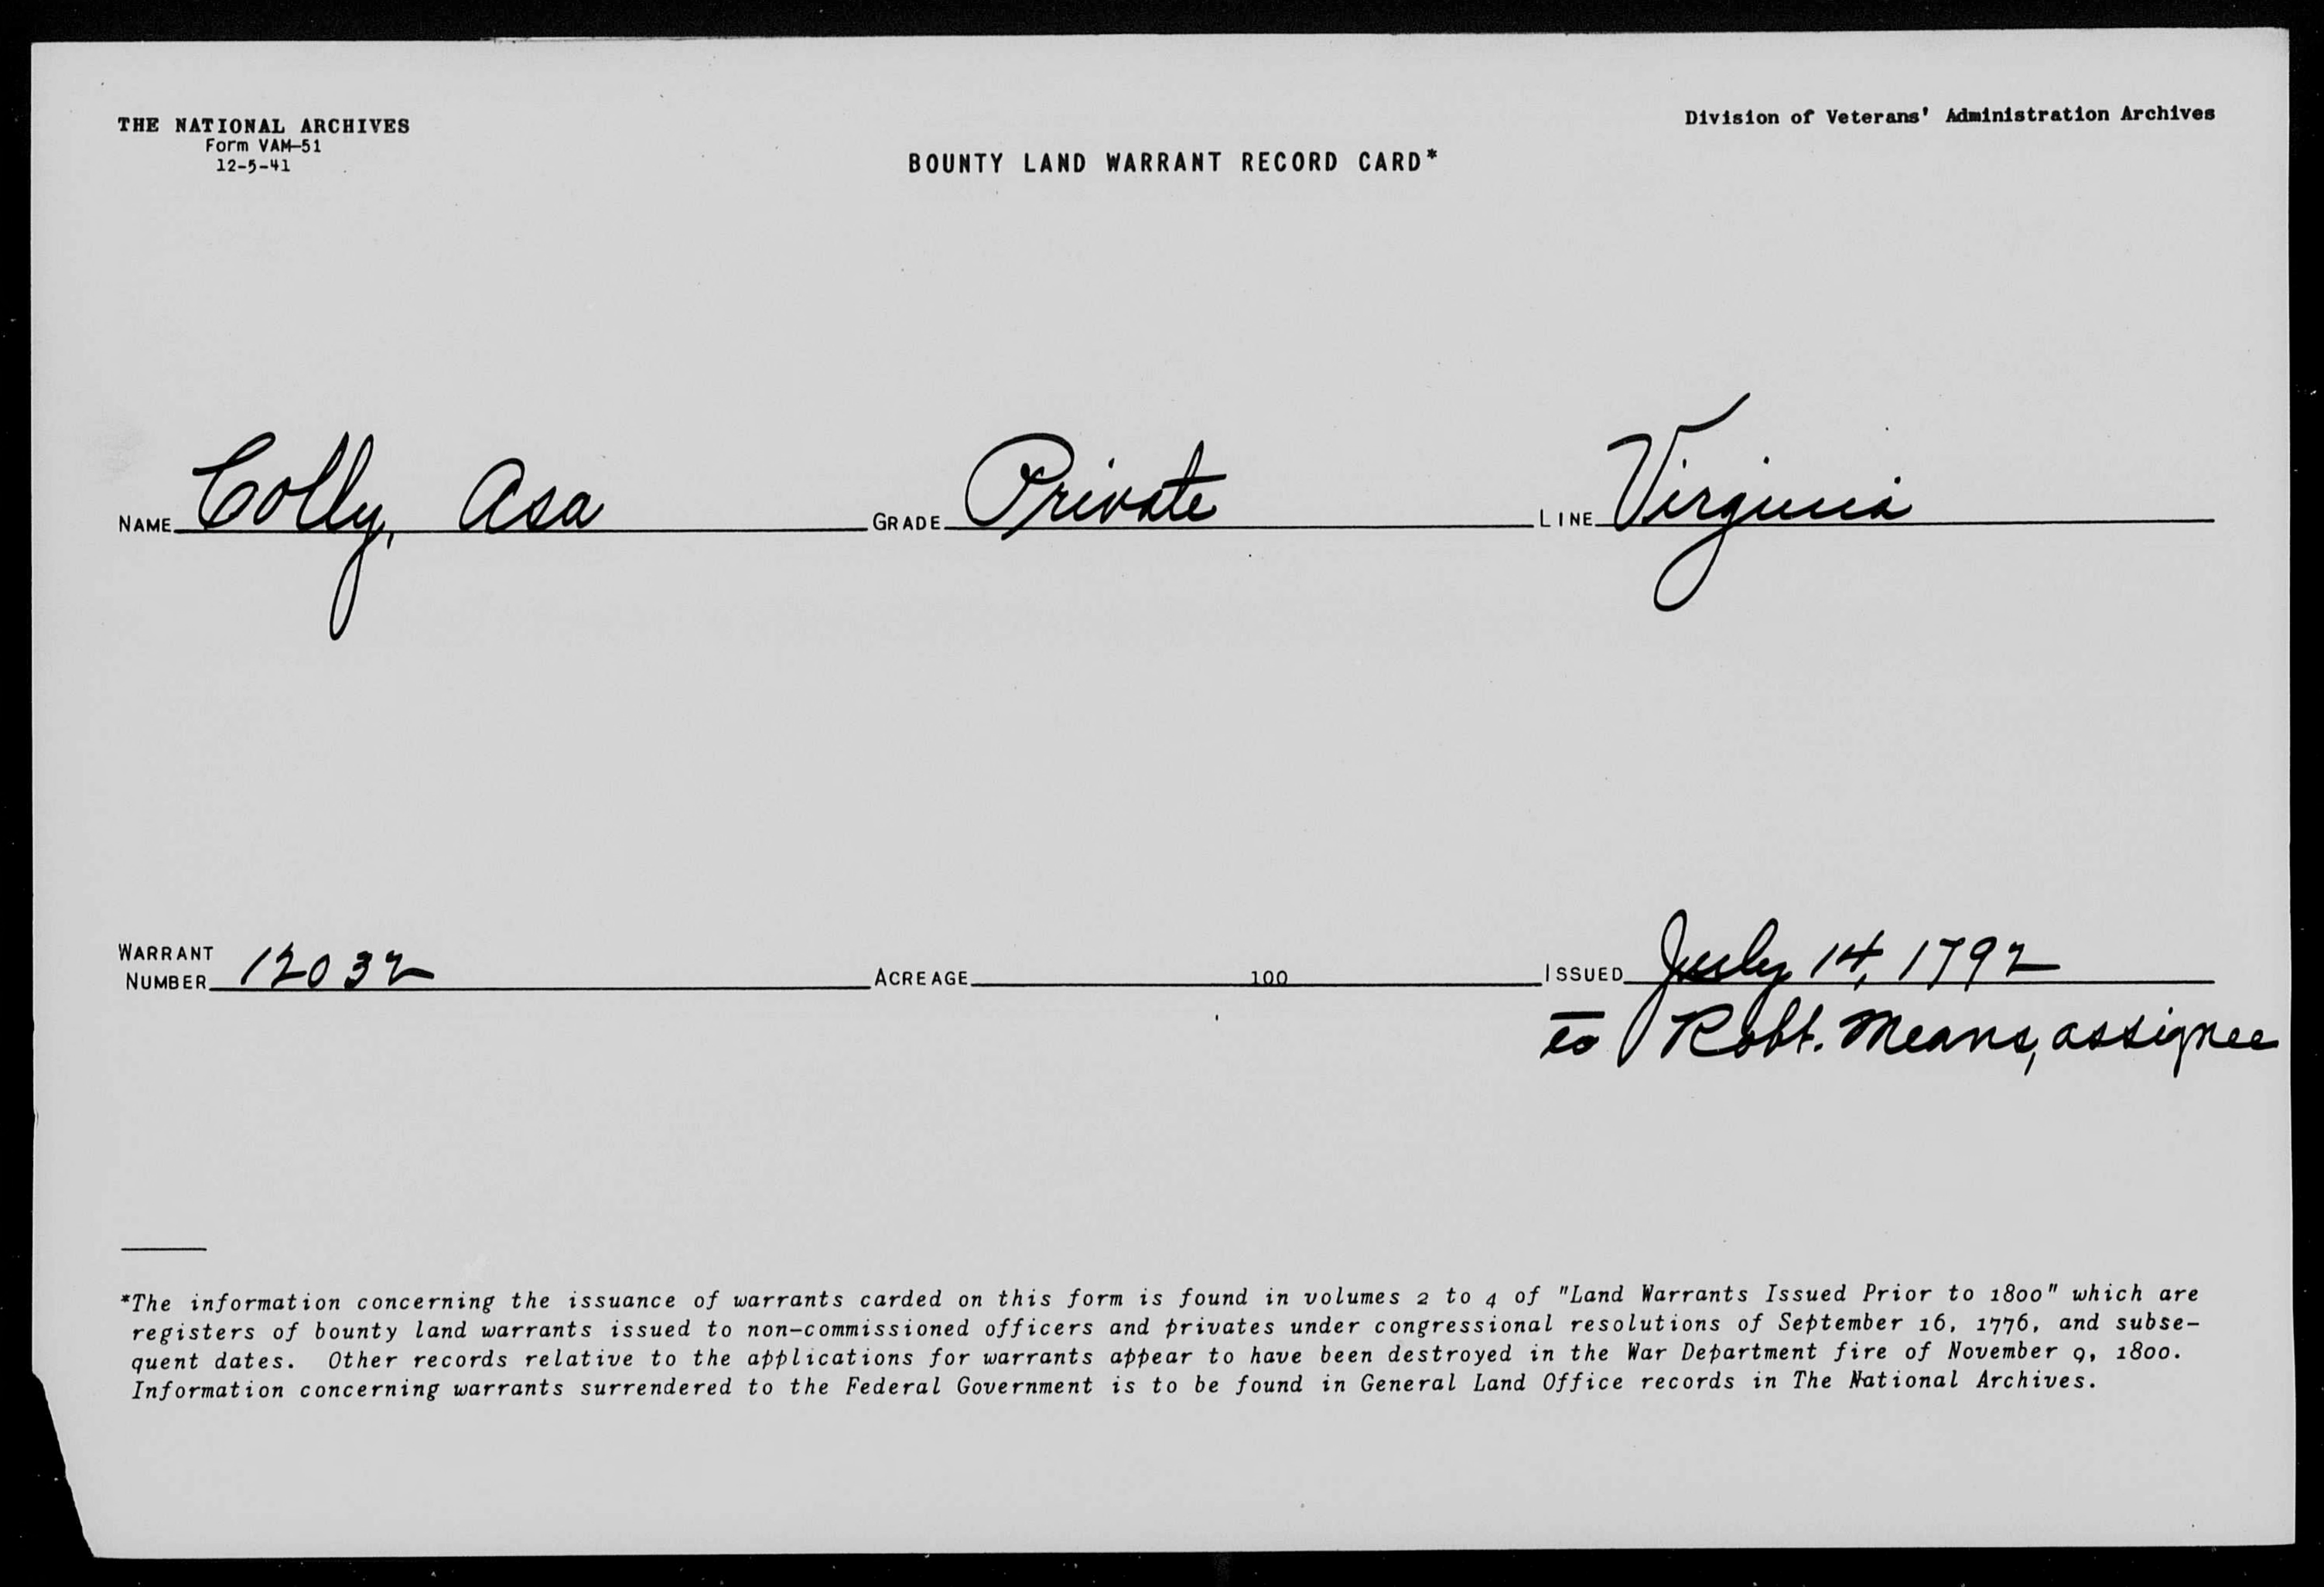Colly, Asa     Private      Virginia 

12032.                       July 14, 1792
                               to Robt. Means, assignee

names: Asa Colly, Robt Means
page: 2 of 2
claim: rejected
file: R. 1,570, Samuel Collver, New Jersey